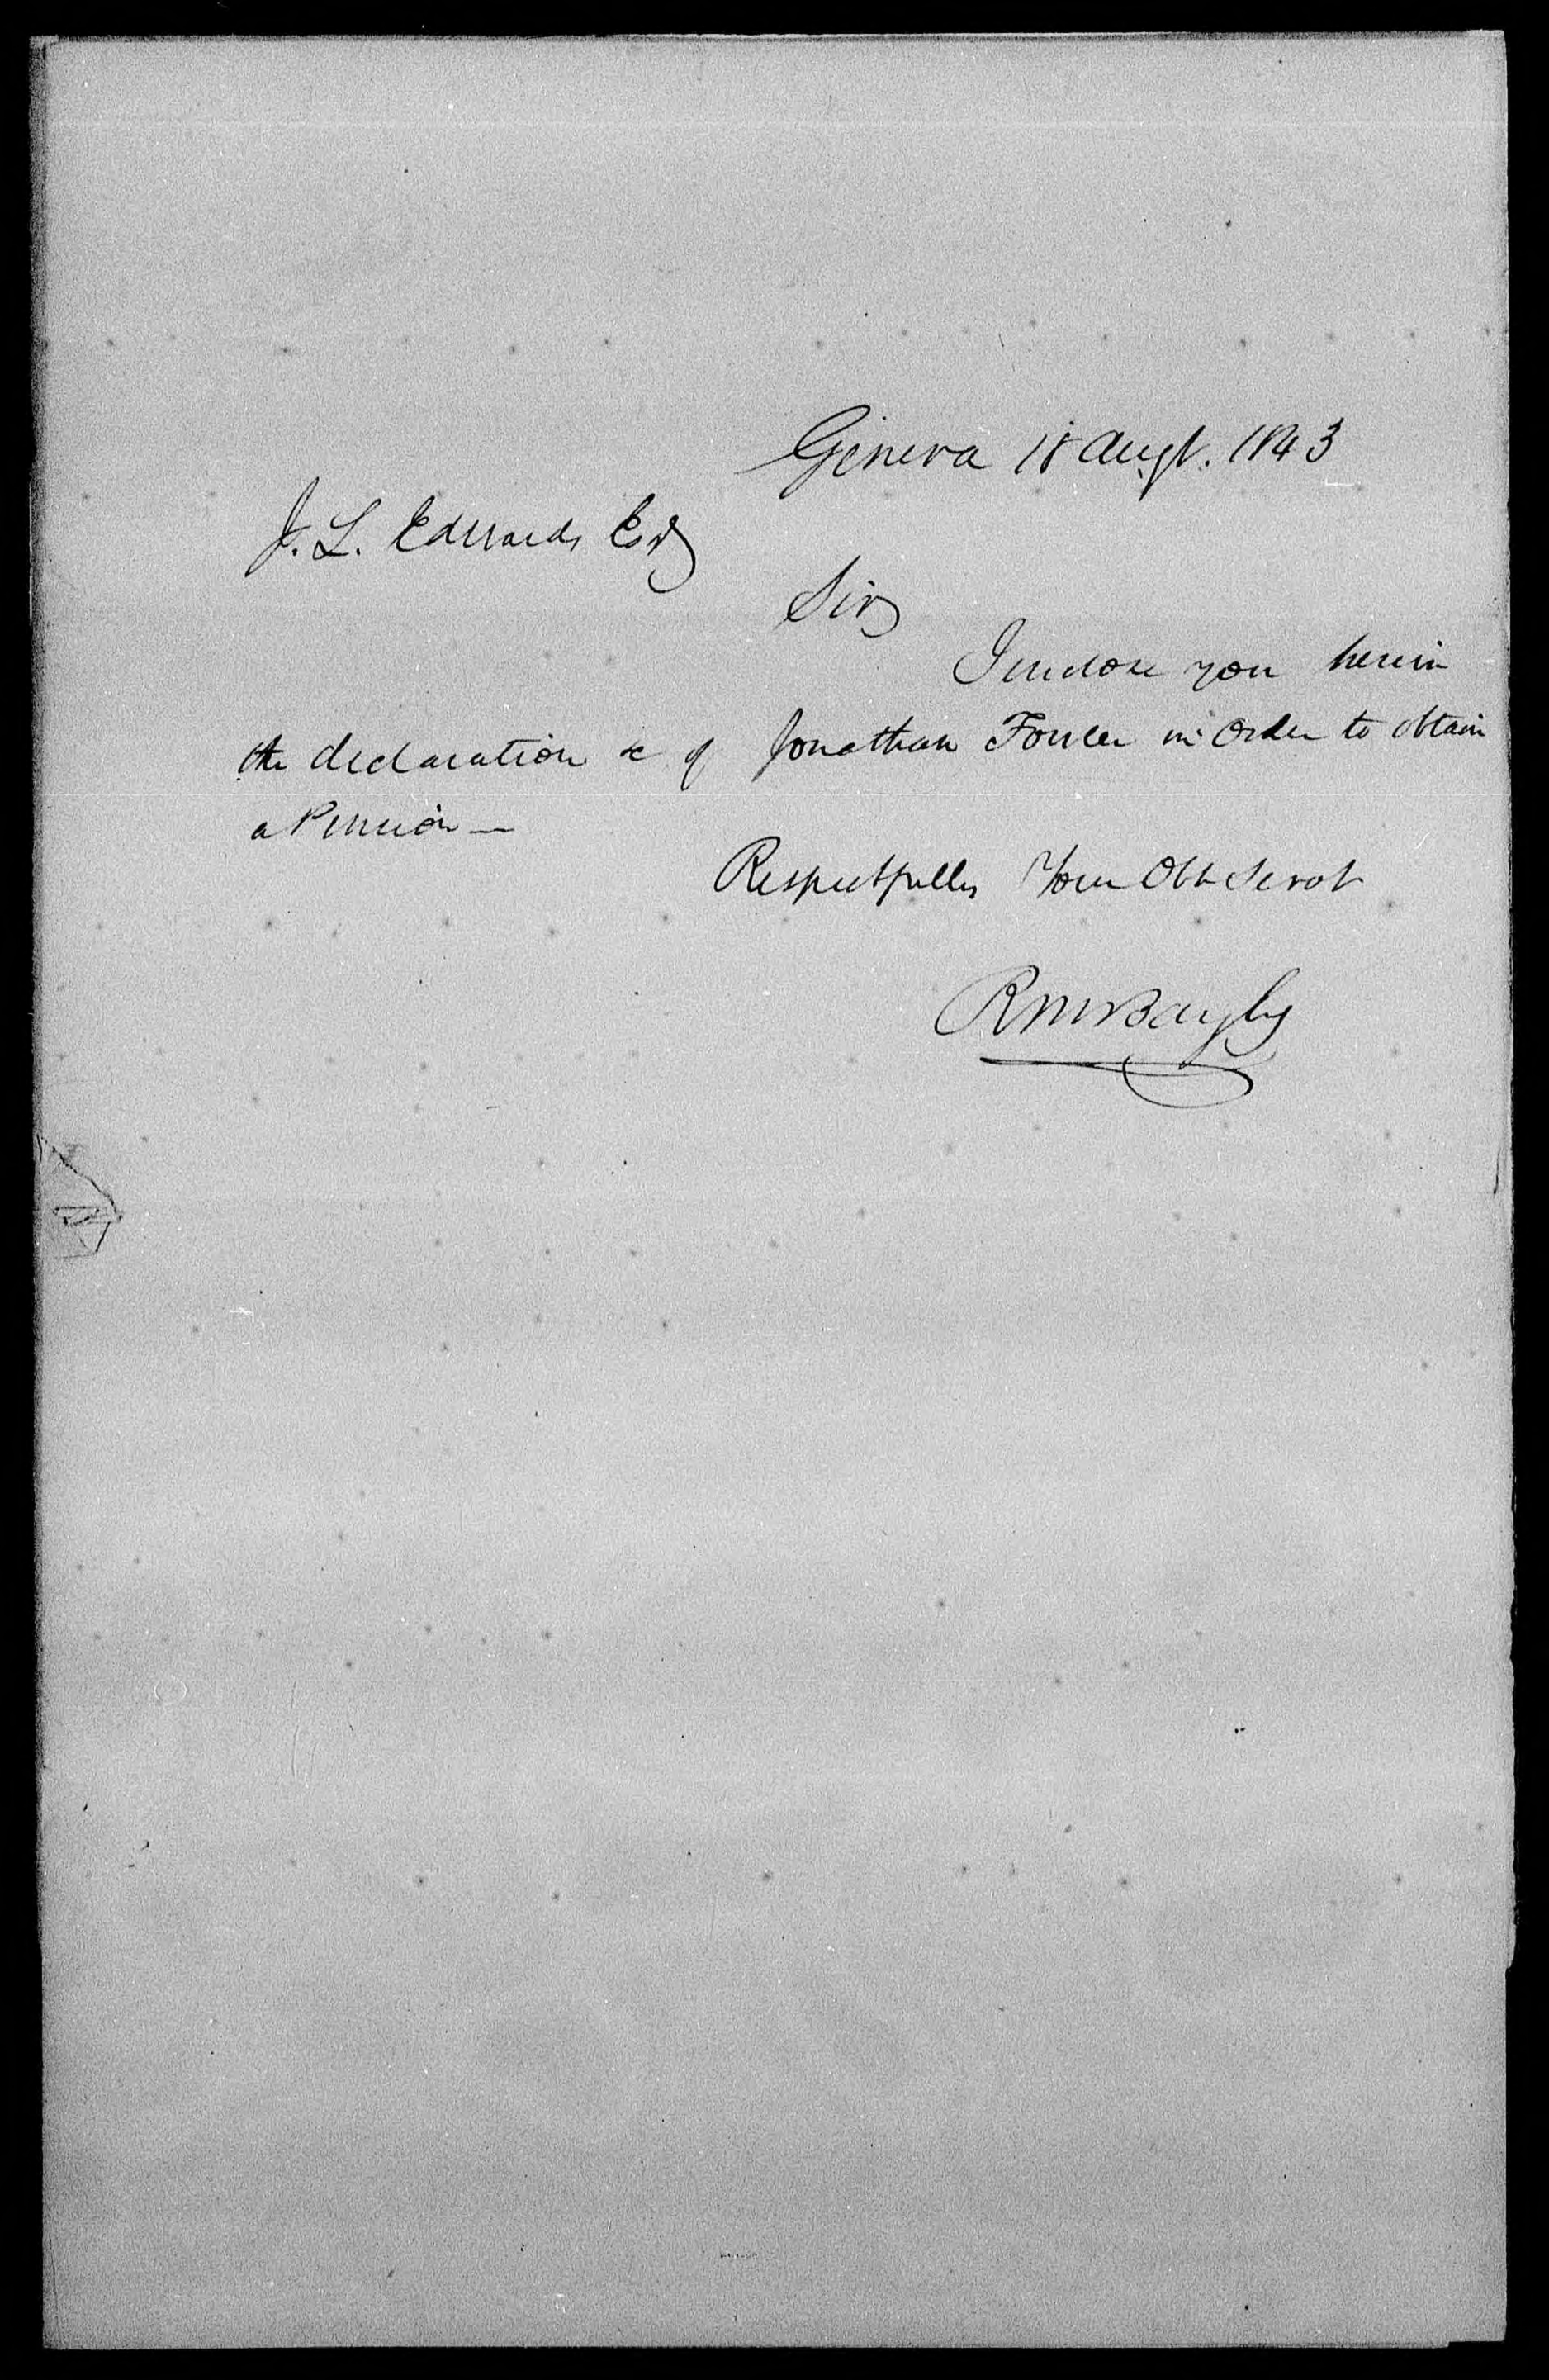Geneva 11 Augt. 1843
J.L. Edwards Esq.
Sir
I enclose you herein the declaration &c of Jonathan Fowler in order to obtain a pension.
Respectfully Your Obt Sevt.
RM Bayly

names: R M Bayly, J L Edwards, Jonathan Fowler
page: 22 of 44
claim: survivor's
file: S. 23639, Jonathan Fowler, New York